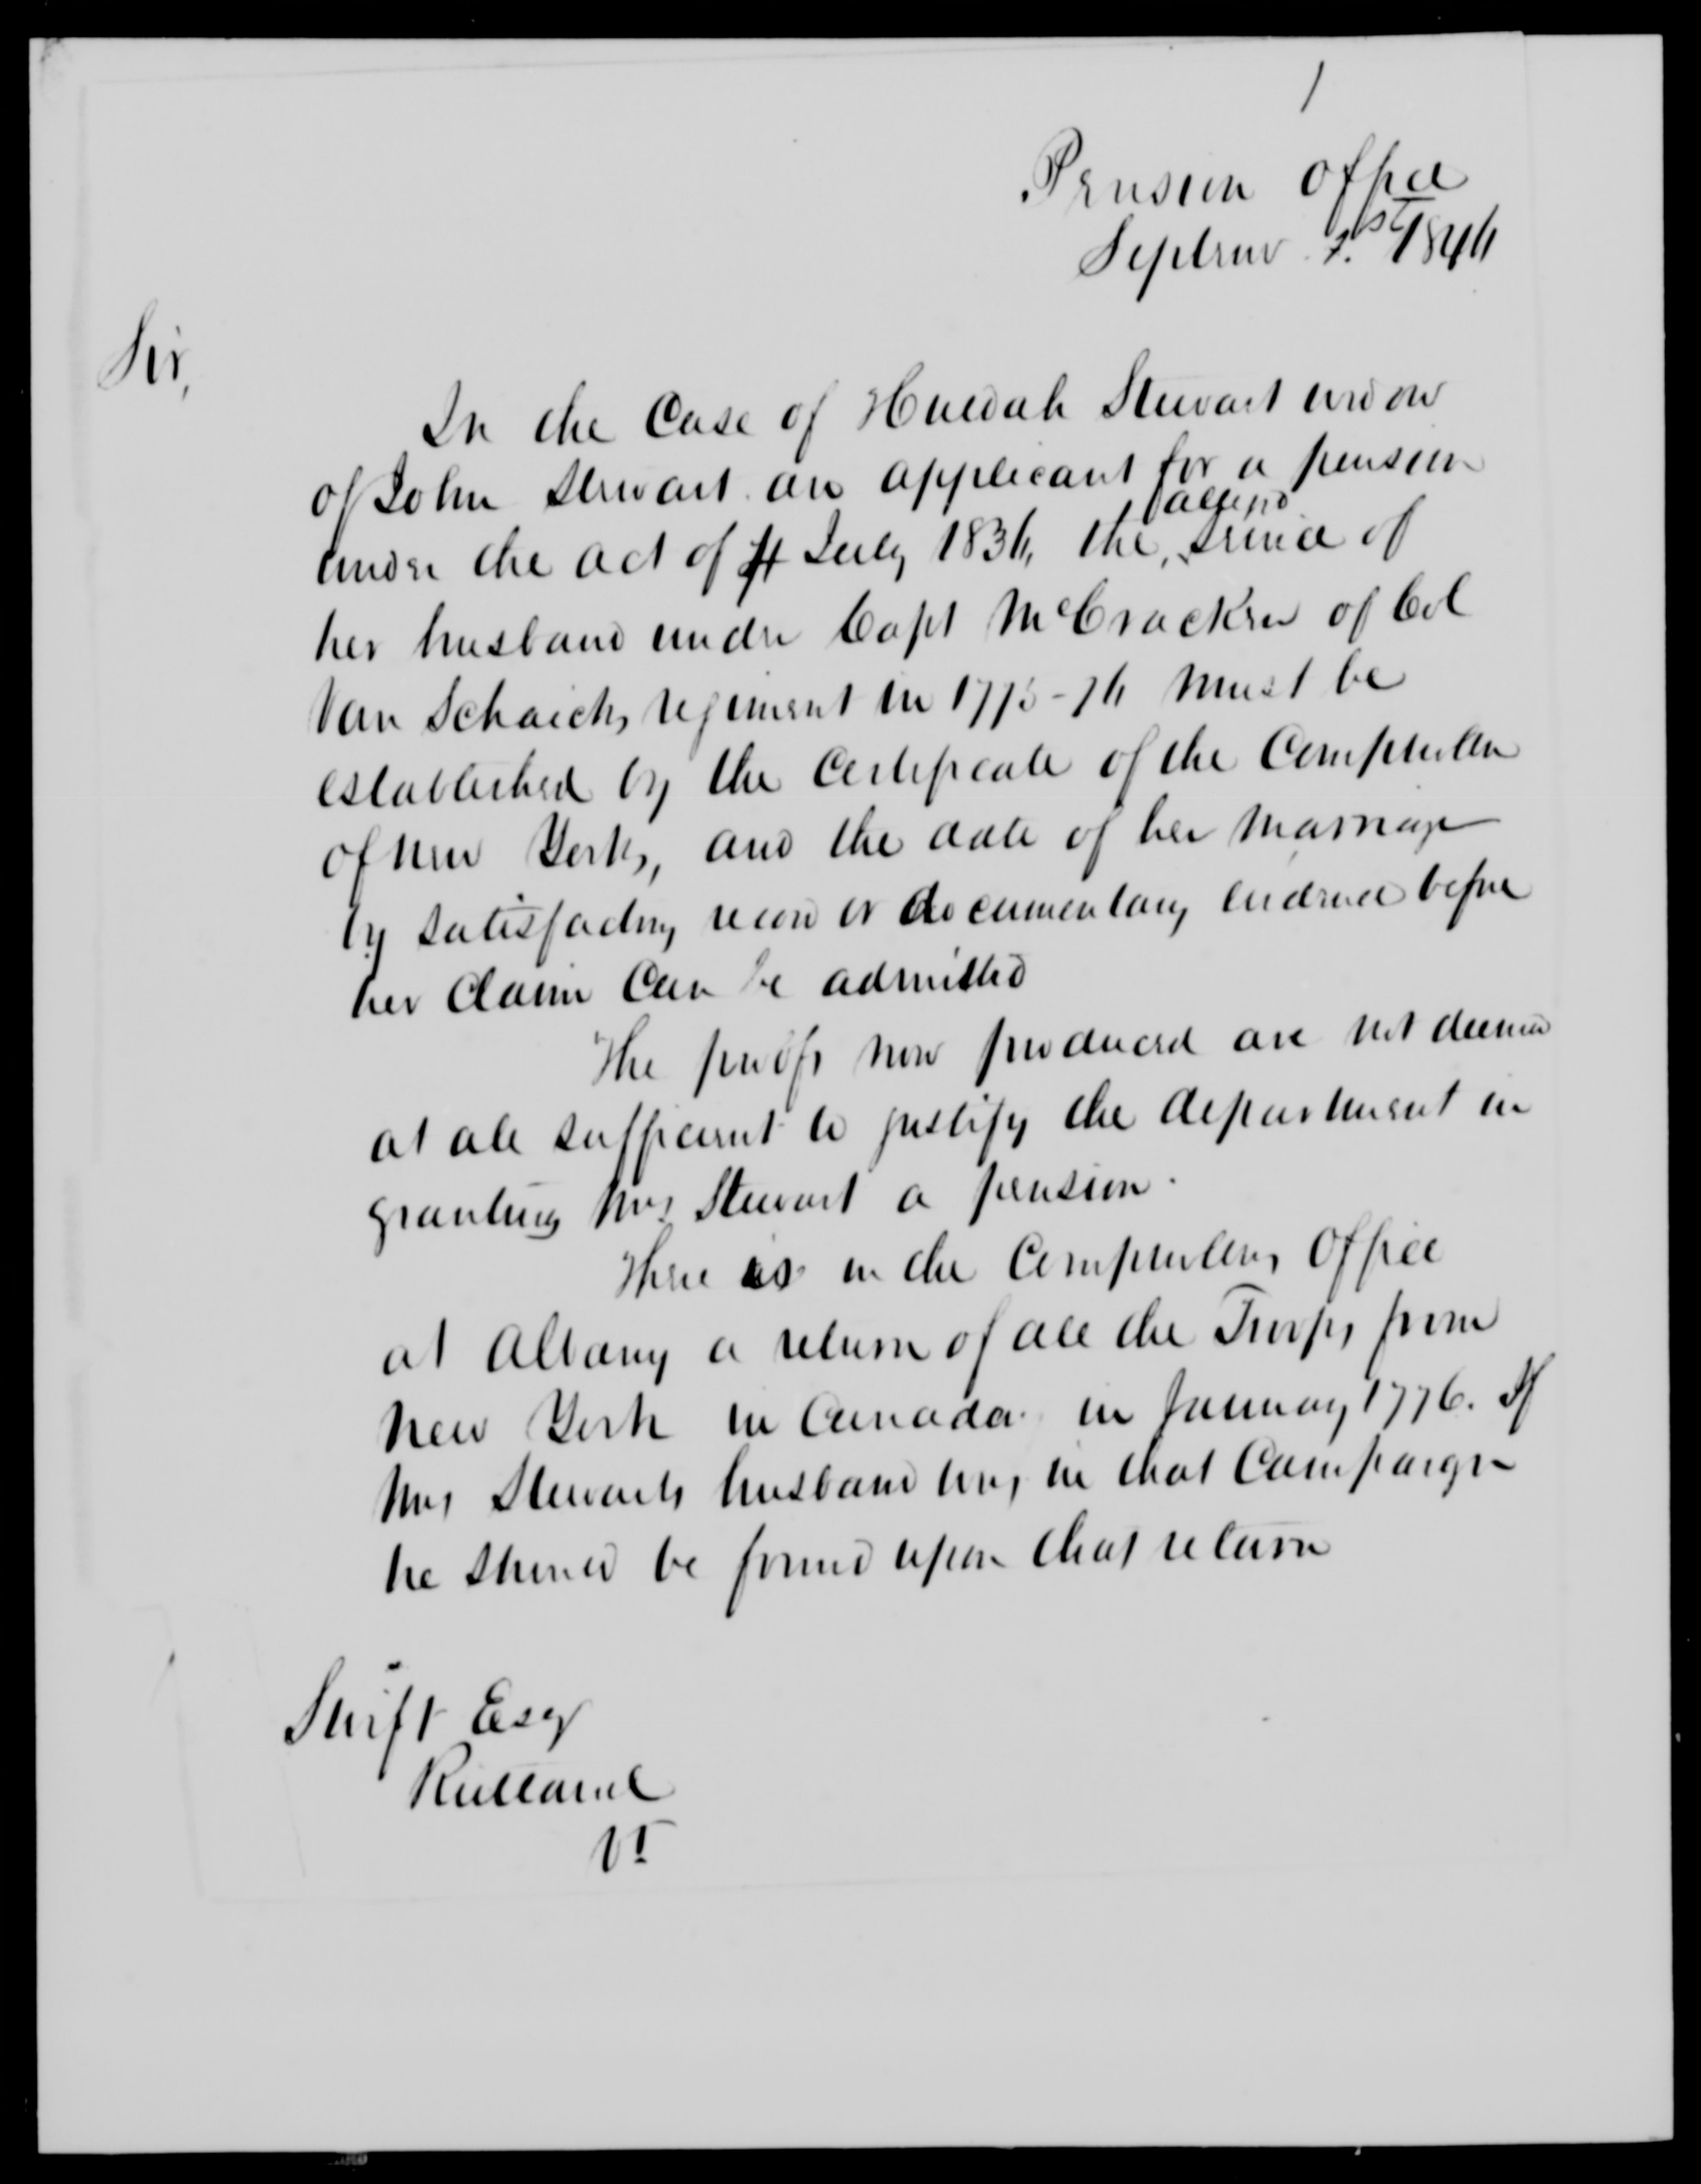Pension office
Sept 1. 1846
Sir
In the case of Huldah Stewart widow
of John Stewart an applicant for a pension
under the act of July 1836, thence of
her husband under Capt McCracken of Col
Van Schaicks Regiment in 1775-76 must be
established by the certificate of the Comptroller
of New York, and the date of her marriage
by satisfactory record or documentary ended before
her claim can be admitted
the proof now produced are not deemed
at all sufficient to justify the department in
granting his Stewart a pension
There as in the computers office
at Albany a return of all the Trips from
New York in Canada in January 1776. of
Mrs stewarts husband was in that company
he should be found upon that return
Swift Esq
Ruttland Vt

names: [BLANK] Swift; Huldah Stewart; [BLANK] Stewart; [BLANK] Stewarts; John Stewart; [BLANK] Mc Cracken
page: 24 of 26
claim: rejected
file: R. 10,154, for John Stewart, New Hampshire